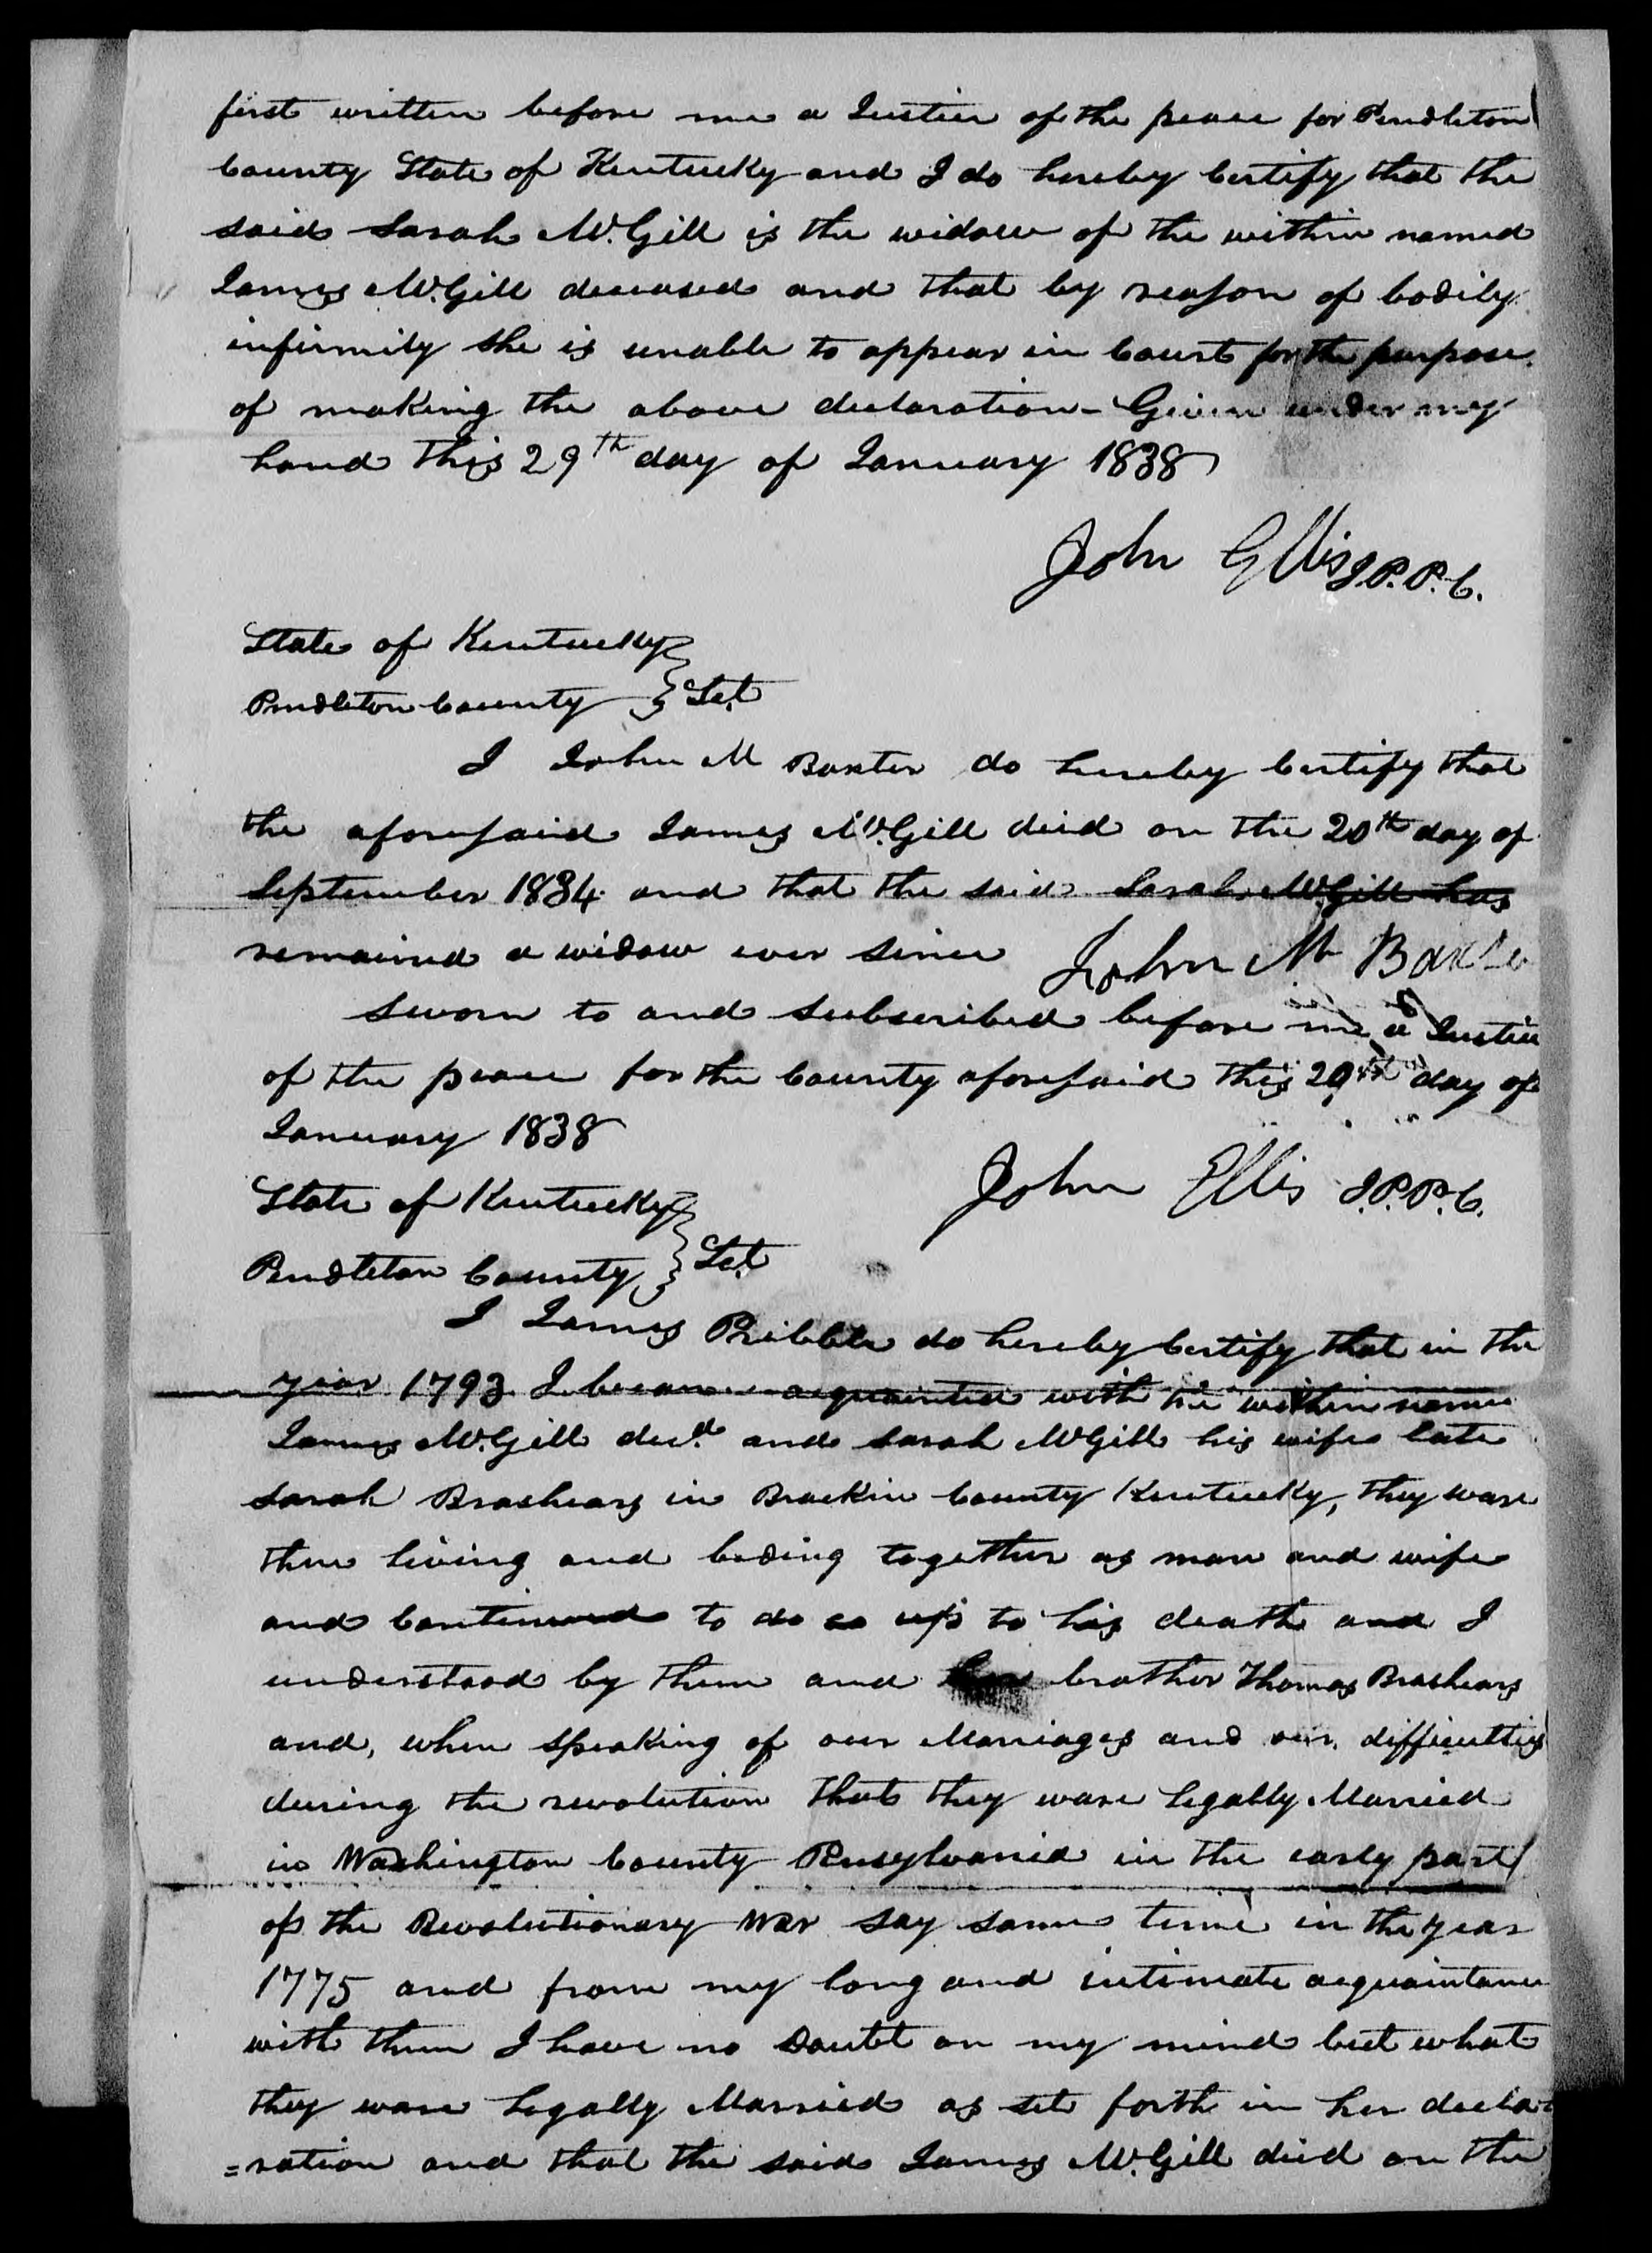Image 71    (# 4160873_00071)         
Fold3 File #23857238
[continued from image 70]

first written before me as Justice of the Peace for Pendleton County State of Kentucky and I do hereby certify that the said Sarah McGill is the widow of the within named James McGill discussed and that by reason of bodily infirmity she is unable to appear in court for the purpose of making the above declaration - Given under my hand this 29th day of January 1838.
John Ellis, J.P.P.C.

State of Kentucky Pendleton County Sct
I John M. Baxter do hereby certify that the aforesaid James McGill died on the 20th day of September 1834 and that the said Sarah McGill has remained a widow ever since.  John M. Baxter
Sworn to and subscribed before me a Justice of the Peace for the county aforesaid this 20th day of January 1838.    John Ellis   J.P.P.C.

State of Kentucky
Pendleton County  Sct

I James Pribble do hereby certify that in the year 1793 I became acquainted with the within names James McGill decd and Sarah McGill his wife later.  Sarah Brashears in Bracken County Kentucky, they were then living and beding [bedding] together as man and wife and continued to do to his death and I understood by them and her brother Thomas Brashears and, when speaking of our marriages and our difficulties during the revolution that they were legally married in Washington County Pennsylvania in the early part of the Revolutionary War say some time in the year 1775 and from my long and intimate acquaintance with them I have no doubt on my mind but what they were legally married as set forth in her dictation and that the said James McGill died on the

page: 14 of 71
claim: widow's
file: W. 8428, for James Mc Gill, Pennsylvania